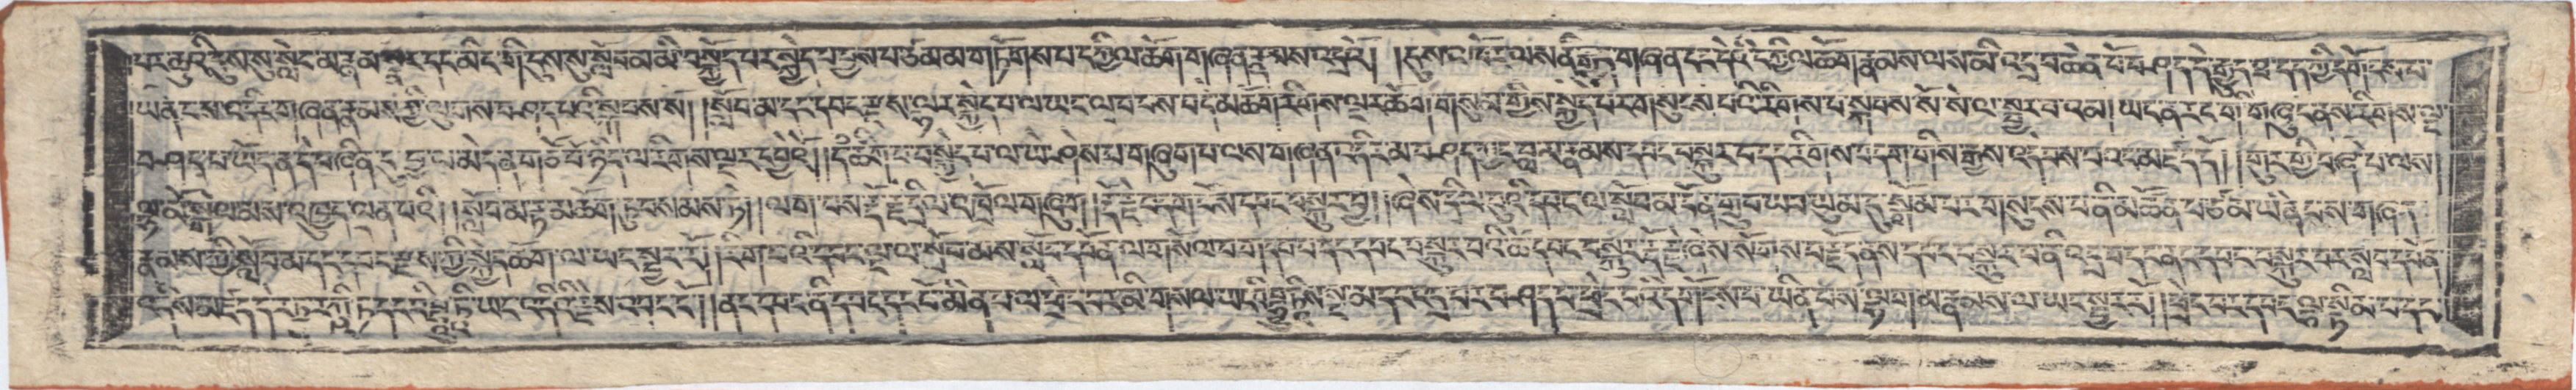བར་ཆུའི་དུས་སུ་སློབ་མ་རྣམ་སྣང་དང་མིང་གི་དུས་སུ་སློབ་མ་མི་བསྐྱོད་པར་སྐྱེད་པ་བྱས་པ་ཙམ་མ་གཏོགས་པ་དཀྱིལ་ཆོག་གཞན་རྣམས་འདྲའོ། །དུས་འཁོར་ལས་ནི་རྒྱུད་གཞན་དང་དེའི་དཀྱིལ་ཆོག་རྣམས་ལས་མི་འདྲ་བ་ཆེན་པོ་བཤད་དེ་རྒྱུད་ཐ་དད་ཀྱི་དགོངས་པ་
ཡིན་པས་འདིར་གཞན་རྣམས་ཀྱི་ལུགས་བཤད་པའི་སྐབས་སོ། །སློབ་མ་དང་དབང་རྫས་ལྷར་སྐྱེད་པ་ལ་ཡང་ལྭ་བ་པས་བདེ་མཆོག་རིགས་ལྔར་ཆོ་ག་གསུམ་གྱིས་སྐྱེད་པར་གསུངས་པའི་རིགས་པ་སྐབས་སོ་སོ་ལ་སྦྱར་བའམ། ཡང་ན་རང་གི་གཞུང་ནས་རིགས་ལྔ་
བཤད་པ་ཡོད་ན་དེ་བཞིན་དུ་བྱ་ལ་མེད་ན་གཙོ་བོ་ཉིད་ལ་རིགས་ལྔར་དབྱེའོ། །དམ་ཚིག་པ་བསྐྱེད་པ་ལ་ཡེ་ཤེས་པ་གཞུག་པ་ལས་གཞན་འདིར་མ་བཤད་ཀྱང་བླ་མ་རྣམས་དབང་བསྐུར་བ་དང་རིགས་བདག་གིས་རྒྱས་འདེབས་པའང་མཛད་དོ། །གུར་གྱི་བཞི་པ་ལས།
ལྷ་མོ་སྒྲོལ་མས་འཁྱུད་ལྡན་པའི། །སློབ་མ་རྟ་མཆོག་ཏུ་བསམས་ཏེ། །ལག་པས་རྡོ་རྗེ་དྲིལ་འཁྲོལ་གཞུག །རྡོ་རྗེ་བདག་པོས་དབང་བསྐུར་བྱ། །ཞེས་དྲིལ་བུའི་དབང་ལ་སློབ་མ་དོན་གྲུབ་ཡབ་ཡུམ་དུ་སྒོམ་པར་གསུངས་པ་ནི་མཚོན་པ་ཙམ་ཡིན་པས་གཞན་
རྣམས་ཀྱི་སློབ་མ་དང་དབང་རྫས་ཀྱི་སྐྱེད་ཆོག་ལ་ཡང་སྦྱར་རོ། །རིག་པའི་དབང་ལྔ་ལ་སློབ་མས་སློབ་དཔོན་ལ་གསོལ་བ་གདབ་པ་དང་དབང་བསྐུར་བའི་ཚེ་དབང་བསྐུར་རྡོ་རྗེ་ཞེས་སོགས་བརྗོད་ནས་དབང་བསྐུར་བ་ནི་འདྲ་བ་དང་ནང་དབང་བསྐུར་བར་སློབ་དཔོན་
འདིས་མཛད་དེ་རཏྣ་རཀྵི་ཏ་དང་བིབྷཱུ་ཏཱི་ཡང་འདིའི་རྗེས་འབྲང་ངོ། །ནང་དབང་ནི་དབང་དང་པོ་མིན་པ་ལ་ཕྲེང་བར་མི་གསལ་ཡང་བིབྷཱུ་ཏཱིས་སྔ་མ་དང་འདྲ་བར་བཤད་པ་ཕྲེང་བའི་དགོངས་པ་ཡིན་པས་ལྷག་མ་རྣམས་ལ་ཡང་སྦྱར་རོ། །ཕྲེང་བར་དབང་ལྷ་སྟིམ་པ་དང་